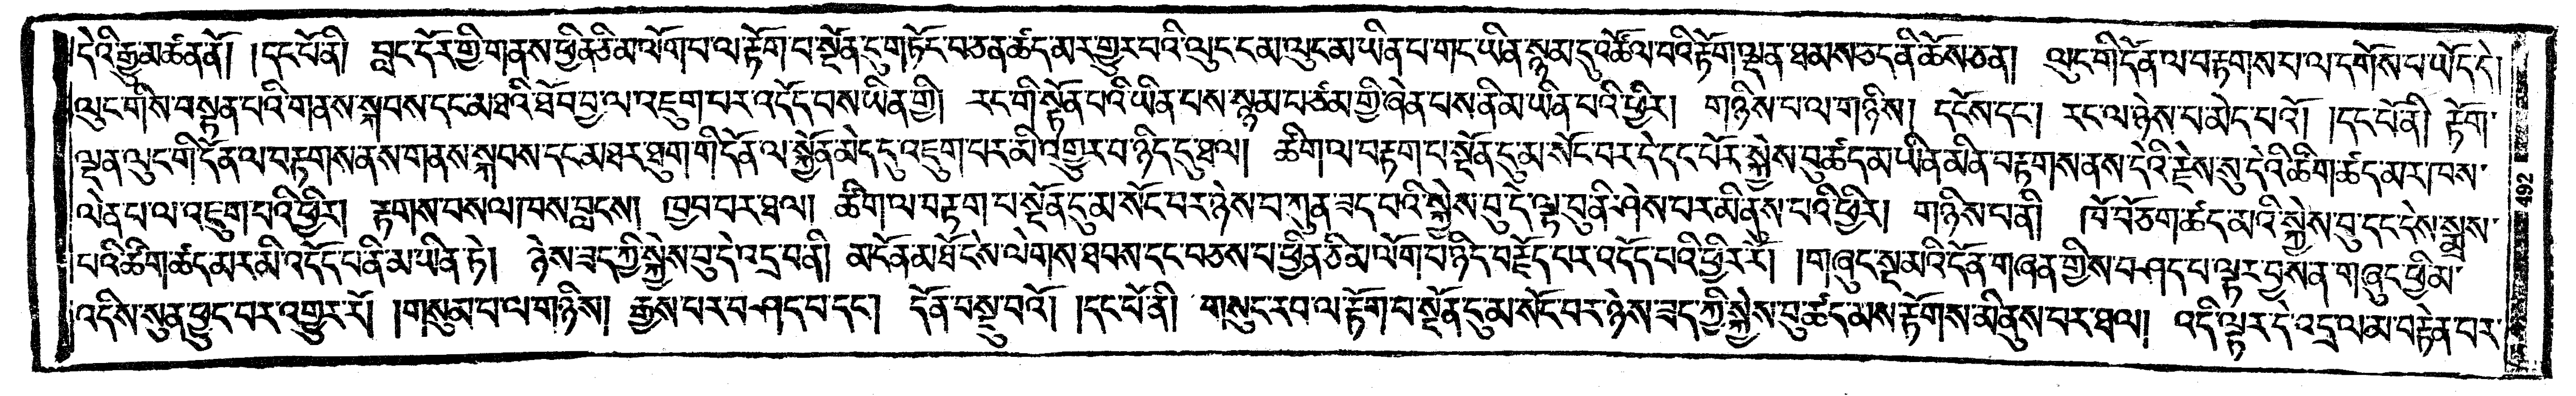དེའི་རྒྱུ་མཚན་ནོ། །དང་པོ་ནི། བླང་དོར་གྱི་གནས་ཕྱིན་ཅི་མ་ལོག་པ་ལ་རྟོག་པ་སྔོན་དུ་གཏོང་བ་ཅན་ཚད་མར་གྱུར་པའི་ལུང་ངམ་ལུང་མ་ཡིན་པ་གང་ཡིན་སྙམ་དུ་འཚོལ་བའི་རྟོག་ལྡན་ཐམས་ཅད་ནི་ཆོས་ཅན། ལུང་གི་དོན་ལ་བརྟགས་པ་ལ་དགོས་པ་ཡོད་དེ།
ལུང་གིས་བསྟན་པའི་གནས་སྐབས་དང་མཐའི་ཐོབ་བྱ་ལ་འཇུག་པར་འདོད་པས་ཡིན་གྱི། རང་གི་སྟོན་པའི་ཡིན་པས་སྙམ་པ་ཙམ་གྱི་ཞེན་པས་ནི་མ་ཡིན་པའི་ཕྱིར། གཉིས་པ་ལ་གཉིས། དངོས་དང་། རང་ལ་ཉེས་པ་མེད་པའོ། །དང་པོ་ནི། རྟོག་
ལྡན་ལུང་གི་དོན་ལ་བརྟགས་ནས་གནས་སྐབས་དང་མཐར་ཐུག་གི་དོན་ལ་སྐྱོན་མེད་དུ་འཇུག་པར་མི་འགྱུར་བ་ཉིད་དུ་ཐལ། ཚིག་ལ་བརྟག་པ་སྔོན་དུ་མ་སོང་བར་དེ་དང་པོར་སྐྱེས་བུ་ཚད་མ་ཡིན་མིན་བརྟགས་ནས་དེའི་རྗེས་སུ་དེའི་ཚིག་ཚད་མར་ཁས་
ལེན་པ་ལ་འཇུག་པའི་ཕྱིར། རྟགས་བསལ་ཁས་བླངས། ཁྱབ་པར་ཐལ། ཚིག་ལ་བརྟག་པ་སྔོན་དུ་མ་སོང་བར་ཉེས་པ་ཀུན་ཟད་པའི་སྐྱེས་བུ་དེ་ལྟ་བུ་ནི་ཤེས་པར་མི་ནུས་པའི་ཕྱིར། གཉིས་པ་ནི། ཁོ་བོ་ཅག་ཚད་མའི་སྐྱེས་བུ་དང་དེས་སྨྲས་
པའི་ཚིག་ཚད་མར་མི་འདོད་པ་ནི་མ་ཡིན་ཏེ། ཉེས་ཟད་ཀྱི་སྐྱེས་བུ་དེ་འདྲ་བ་ནི། མངོན་མཐོ་ངེས་ལེགས་ཐབས་དང་བཅས་པ་ཕྱིན་ཅི་མ་ལོག་པ་ཉིད་བརྗོད་པར་འདོད་པའི་ཕྱིར་རོ། །གཞུང་སྔ་མའི་དོན་གཞན་གྱིས་བཤད་པ་ལྟར་བྱས་ན་གཞུང་ཕྱི་མ་
འདིས་སུན་ཕྱུང་བར་འགྱུར་རོ། །གསུམ་པ་ལ་གཉིས། རྒྱས་པར་བཤད་པ་དང་། དོན་བསྡུ་བའོ། །དང་པོ་ནི། གསུང་རབ་ལ་རྟོག་པ་སྔོན་དུ་མ་སོང་བར་ཉེས་ཟད་ཀྱི་སྐྱེས་བུ་ཚད་མས་རྟོགས་མི་ནུས་པར་ཐལ། འདི་ལྟར་དེ་འདྲ་ལ་མ་བརྟེན་པར་